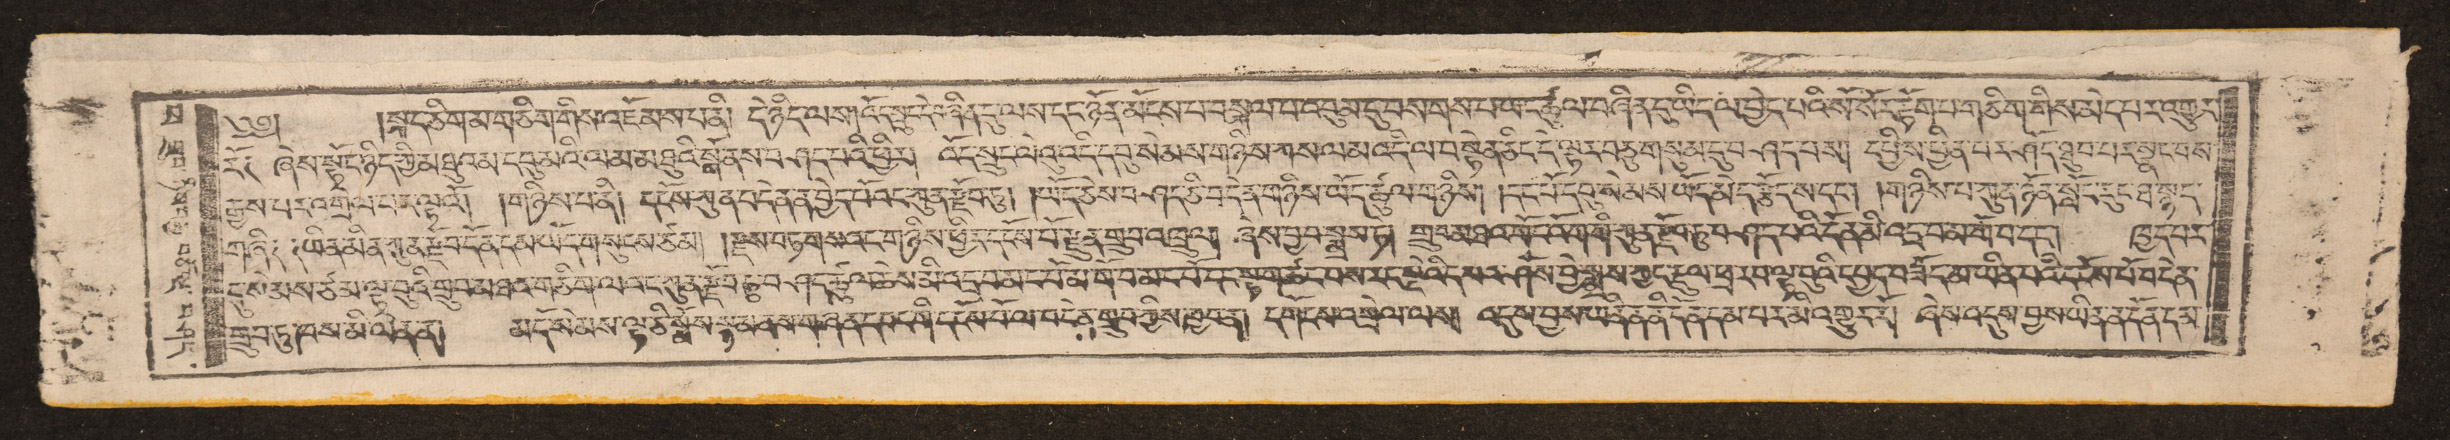༄༅། །སྐད་ཅིག་མ་གཅིག་གིས་འཇོམས་པ་ནི། དེ་ཉིད་ལས། འོད་སྲུང་དེ་བཞིན་དུ་ལས་དང་ཉོན་མོངས་པ་བསྐལ་བ་འབུམ་དུ་བསགས་པ་ཡང་ཚུལ་བཞིན་དུ་ཡིད་ལ་བྱེད་པའི་སོ་སོར་རྟོག་པ་གཅིག་གིས་མེད་པར་འགྱུར་
རོ༑ ཞེས་སྟོང་ཉིད་ཀྱི་མཐུའམ་དབུ་མའི་ལམ་མཐུའི་སྒོ་ནས་བཤད་པའི་ཕྱིར། འོད་སྲུང་ལེའུ་འདི་དབུ་སེམས་གཉིས་ཀ་ས་ལམ་འདི་ལ་བསྟེན་ཅིང་དེ་ལྟར་བཅུ་གསུམ་དུ་བཤད་པས། དཔྱིས་ཕྱིན་པར་ཤོད་ཐུབ་པར་སྣང་བས་
རྒྱས་པར་འགྲེལ་བར་ལྟའོ། །གཉིས་པ་ནི། དངོས་ཀུན་བདེན་ན་བྱེད་པོའང་ཀུན་རྫོབ་ཏུ། །ཡོད་ཅེས་བཤད་ཅི་བདེན་གཉིས་ཡོད་ཚུལ་གཉིས། །དང་པོ་དབུ་སེམས་ཡོད་མེད་རྩོད་ས་དང་། །གཉིས་པ་ཀུན་ཉོན་སློང་རུང་ཐ་སྙད་
གཞི༑ ༑ཡིན་མིན་ཀུན་རྫོབ་དོན་དམ་ཡོད་གསུངས་ཙམ། །རྫས་བཏགས་འང་གཉིས་ཕྱིར་དངོས་པོ་རྫུན་གྲུབ་འཁྲུལ། ཞེས་བྱ་བ་སྨྲས་ཏེ། གྲུབ་མཐའ་གོང་འོག་གི་ཀུན་རྫོབ་ཏུ་བཤད་པའི་དོན་མི་འདྲ་བ་མགོ་བ་དང་། ཁྱད་པར་
དུ་སེམས་ཙམ་ལྟ་བུའི་གྲུབ་མཐའ་གཅིག་ལའང་ཀུན་རྫོབ་ཏུ་བཤད་ཚུལ་ཆེས་མི་འདྲ་བ་མང་པོ་མགོ་བ་མང་པོ་དང་སྟག་ཚང་བས་རང་སྡེའི་དམའ་ཤོས་བྱེ་སྨྲས་ཀྱང་རྡུལ་ཕྲ་རབ་ལྟ་བུའི་དཔྱད་བཟོད་མ་ཡིན་པའི་དངོས་པོ་བདེན་
གྲུབ་ཏུ་ཁས་མི་ལེན་ན། མདོ་སེམས་ལྟ་ཅི་སྨོས་སྙམ་ནས་གཞན་དབང་གི་དངོས་པོ་ལ་བདེན་གྲུབ་ཀྱིས་ཁྱབ་ན། དགོངས་འགྲེལ་ལས། འདུས་བྱས་ཡིན་ན་ནི་དོན་དམ་པར་མི་འགྱུར་རོ། ཞེས་འདུས་བྱས་ཡིན་ན་དོན་དམ་